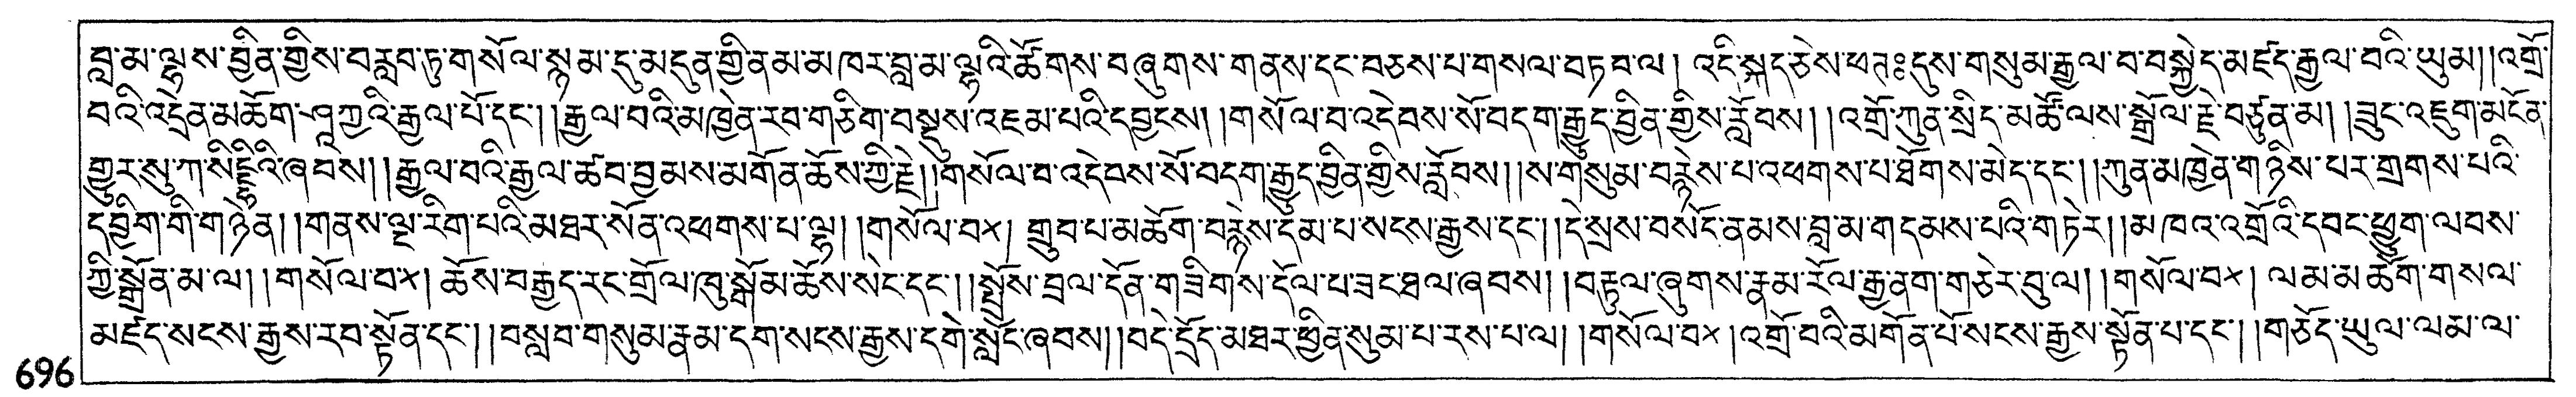བླ་མ་ལྷས་བྱིན་གྱིས་བརླབ་ཏུ་གསོལ་སྙམ་དུ་མདུན་གྱི་ནམ་མཁར་བླ་མ་ལྷའི་ཚོགས་བཞུགས་གནས་དང་བཅས་པ་གསལ་བཏབ་ལ། འདི་སྐད་ཅེས་ཕཊཿ དུས་གསུམ་རྒྱལ་བ་བསྐྱེད་མཛད་རྒྱལ་བའི་ཡུམ། །འགྲོ་
བའི་འདྲེན་མཆོག་ཤཱཀྱའི་རྒྱལ་པོ་དང་། །རྒྱལ་བའི་མཁྱེན་རབ་གཅིག་བསྡུས་འཇམ་པའི་དབྱངས། །གསོལ་བ་འདེབས་སོ་བདག་རྒྱུད་བྱིན་གྱིས་རློབས། །འགྲོ་ཀུན་སྲིད་མཚོ་ལས་སྒྲོལ་རྗེ་བཙུན་མ། །ཟུང་འཇུག་མངོན་
གྱུར་སུ་ཀ་སིདྡྷིའི་ཞབས། །རྒྱལ་བའི་རྒྱལ་ཚབ་བྱམས་མགོན་ཆོས་ཀྱི་རྗེ། །གསོལ་བ་འདེབས་སོ་བདག་རྒྱུད་བྱིན་གྱིས་རློབས། །ས་གསུམ་བརྙེས་པ་འཕགས་པ་ཐོགས་མེད་དང་། །ཀུན་མཁྱེན་གཉིས་པར་གྲགས་པའི་
དབྱིག་གི་གཉེན། །གནས་ལྔ་རིག་པའི་མཐར་སོན་འཕགས་པ་ལྷ། །གསོལ་བ་྾། གྲུབ་པ་མཆོག་བརྙེས་དམ་པ་སངས་རྒྱས་དང་། །དེ་སྲས་བསོད་ནམས་བླ་མ་གདམས་པའི་གཏེར། །མཁའ་འགྲོའི་དབང་ཕྱུག་ལབས་
ཀྱི་སྒྲོན་མ་ལ། །གསོལ་བ་྾། ཆོས་བརྒྱད་རང་གྲོལ་ཁུ་སྒོམ་ཆོས་སེང་དང་། །སྤྲོས་བྲལ་དོན་གཟིགས་དོལ་པ་ཟང་ཐལ་ཞབས། །བརྟུལ་ཞུགས་རྣམ་རོལ་རྒྱ་ནག་གཅེར་བུ་ལ། །གསོལ་བ་྾། ལམ་མཆོག་གསལ་
མཛད་སངས་རྒྱས་རབ་སྟོན་དང་། །བསླབ་གསུམ་རྣམ་དག་སངས་རྒྱས་དགེ་སློང་ཞབས། །བདེ་དྲོད་མཐར་ཕྱིན་སུམ་པ་རས་པ་ལ། །གསོལ་བ་྾། འགྲོ་བའི་མགོན་པོ་སངས་རྒྱས་སྟོན་པ་དང་། །གཅོད་ཡུལ་ལམ་ལ་